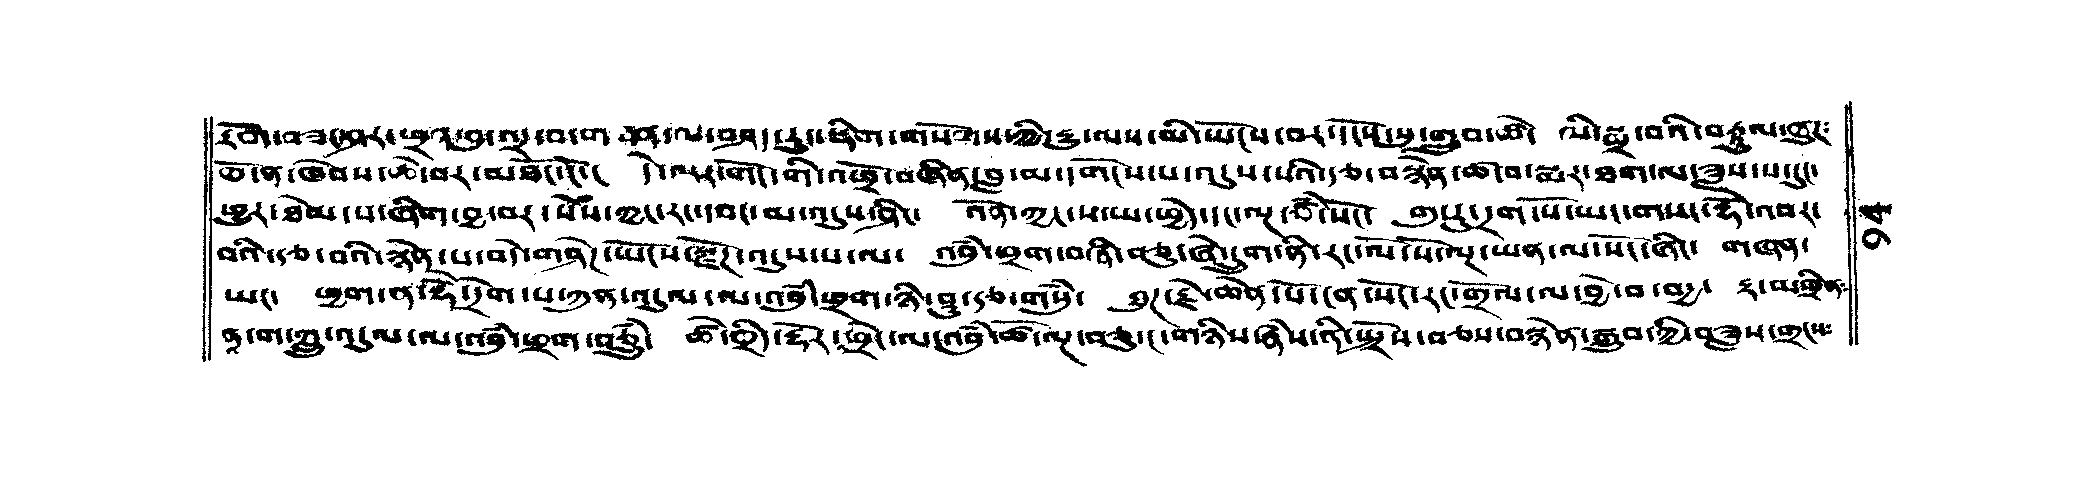རྟོག་བཟང་ཤར་ཕྲན་བུ་འདྲ་བ་གཞན་ལ་བཤད་རུང་སྡིག་གསོག་གི་རྒྱུ་ལས་མི་ཡོང་བར་དངོས་སུ་གྲུབ་ཚེ། མི་སྨྲ་བའི་བརྟུལ་ཞུགས་
ཁོ་ན་ཁེ་ཆེ་བར་མཐོང་ངོ་། དེ་ལྟར་གོང་གི་འཕྲོ་བཞིན་བླ་མ་དགོངས་པ་འདུས་པའི་རྩ་བསྙེན་ཚ་བ་དམར་ཐག་ལ་ཟླས་པ་དུང་
ཕྱུར་ཐེམ་པ་ཞིག་བྱ་བར་སེམས་ཀྱང་རང་དབང་མ་འདུས་ཤིང་། འོན་ཀྱང་ས་ཡ་ཕྱེད་དང་ལྔ་ཙམ་སོང་། གུ་རུ་དྲག་པོ་ཡང་གསང་རྡོ་རྗེ་འབར་
བའི་རྩ་བའི་བསྙེན་པ་བདེ་གཤེགས་ཡོངས་རྫོགས་འདུས་པ་ལ། འབུམ་ཕྲག་བཞི་བཅུ་ཞེ་དྲུག་ནི་རང་ལོ་སོ་ལྔ་ཡན་ལ་སོང་ཞིང་། གཞན་
ཡང་། ཕྱག་ན་རྡོ་རྗེ་དྲེགས་པ་ཀུན་འདུལ་ལ་འབུམ་ཕྲག་ཉི་ཤུ་རྩ་གསུམ། ཐུགས་རྗེ་ཆེན་པོ་ངན་སོང་རང་གྲོལ་ལ་བྱེ་བ་བརྒྱ། རྟ་མགྲིན་
ནཱ་ག་ཀླུ་འདུལ་ལ་འབུམ་ཕྲག་བཅུ་དྲུག ཚེ་ཁྲིད་རྡོར་ཕྲེང་ལ་འབུམ་ཚོ་ལྔ་བཅུ་ང་གཉིས་རྣམས་ནི་སྤྲོས་བཅས་བསྙེན་སྒྲུབ་ཀྱི་བཟླས་གྲངས་